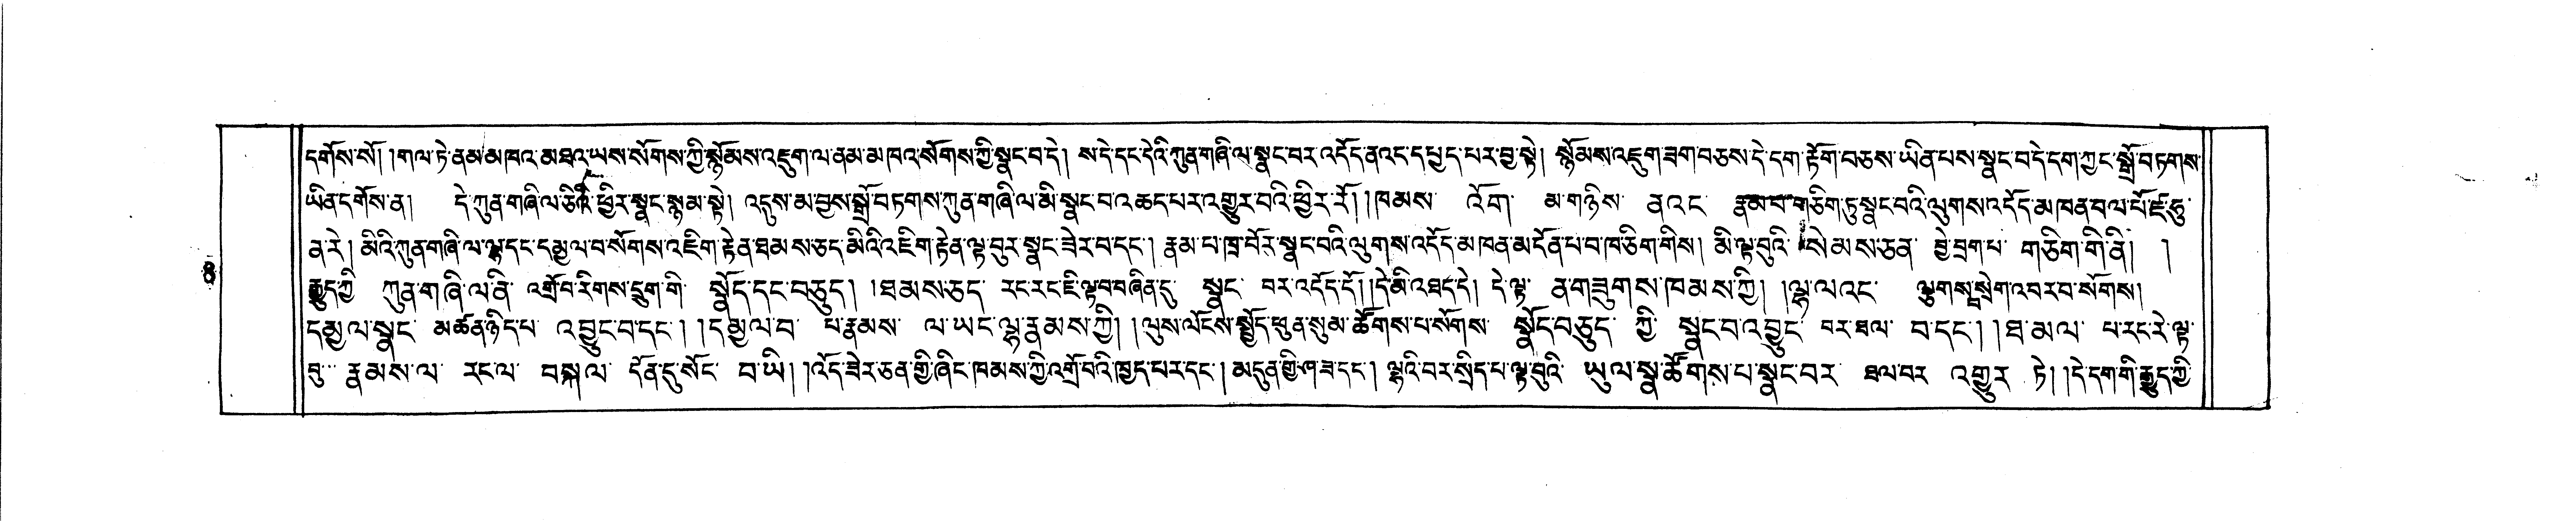དགོས་སོ། །གལ་ཏེ་ནམ་མཁའ་མཐའ་ཡས་སོགས་ཀྱི་སྙོམས་འཇུག་ལ་ནམ་མཁའ་སོགས་ཀྱི་སྣང་བ་དེ། ས་དེ་དང་དེའི་ཀུན་གཞི་ལ་སྣང་བར་འདོད་ནའང་དཔྱད་པར་བྱ་སྟེ། སྙོམས་འཇུག་ཟག་བཅས་དེ་དག་རྟོག་བཅས་ཡིན་པས་སྣང་བ་དེ་དག་ཀྱང་སྒྲོ་བཏགས་
ཡིན་དགོས་ན། དེ་ཀུན་གཞི་ལ་ཅིའི་ཕྱིར་སྣང་སྙམ་སྟེ། འདུས་མ་བྱས་སྒྲོ་བཏགས་ཀུན་གཞི་ལ་མི་སྣང་བ་འཆད་པར་འགྱུར་བའི་ཕྱིར་རོ། །ཁམས་འོག་མ་གཉིས་ནའང་རྣམ་པ་གཅིག་ཏུ་སྣང་བའི་ལུགས་འདོད་མཁན་བལ་པོ་ཛ་ཧུ་
ན་རེ། མིའི་ཀུན་གཞི་ལ་ལྷ་དང་དམྱལ་བ་སོགས་འཇིག་རྟེན་ཐམས་ཅད་མིའི་འཇིག་རྟེན་ལྟ་བུར་སྣང་ཟེར་བ་དང་། རྣམ་པ་ཁྲ་བོར་སྣང་བའི་ལུགས་འདོད་མཁན་མངོན་པ་བ་ཁ་ཅིག་གིས། མི་ལྟ་བུའི་སེམས་ཅན་བྱེ་བྲག་པ་གཅིག་གི་ནི། །
རྒྱུད་ཀྱི་ཀུན་གཞི་ལ་ནི་འགྲོ་བ་རིགས་དྲུག་གི་སྣོད་དང་བཅུད། །ཐམས་ཅད་རང་རང་ཇི་ལྟ་བ་བཞིན་དུ་སྣང་བར་འདོད་དོ། །དེ་མི་འཐད་དེ། དེ་ལྟ་ན་གཟུགས་ཁམས་ཀྱི། །ལྷ་ལའང་ལྕགས་བསྲེག་འབར་བ་སོགས།
དམྱལ་སྣང་མཚན་ཉིད་པ་འབྱུང་བ་དང་། །དམྱལ་བ་པ་རྣམས་ལ་ཡང་ལྷ་རྣམས་ཀྱི། །ལུས་ལོངས་སྤྱོད་ཕུན་སུམ་ཚོགས་པ་སོགས་སྣོད་བཅུད་ཀྱི་སྣང་བ་འབྱུང་བར་ཐལ་བ་དང་། །ཐ་མལ་པ་རང་རེ་ལྟ་
བུ་རྣམས་ལ་རང་ལ་བསྐལ་དོན་དུ་སོང་བ་ཡི། །འོད་ཟེར་ཅན་གྱི་ཞིང་ཁམས་ཀྱི་འགྲོ་བའི་ཁྱད་པར་དང་། མདུན་གྱི་ཤ་ཟ་དང་། ལྷའི་བར་སྲིད་པ་ལྟ་བུའི་ཡུལ་སྣ་ཚོགས་པ་སྣང་བར་ཐལ་བར་འགྱུར་ཏེ། །དེ་དག་གི་རྒྱུད་ཀྱི་